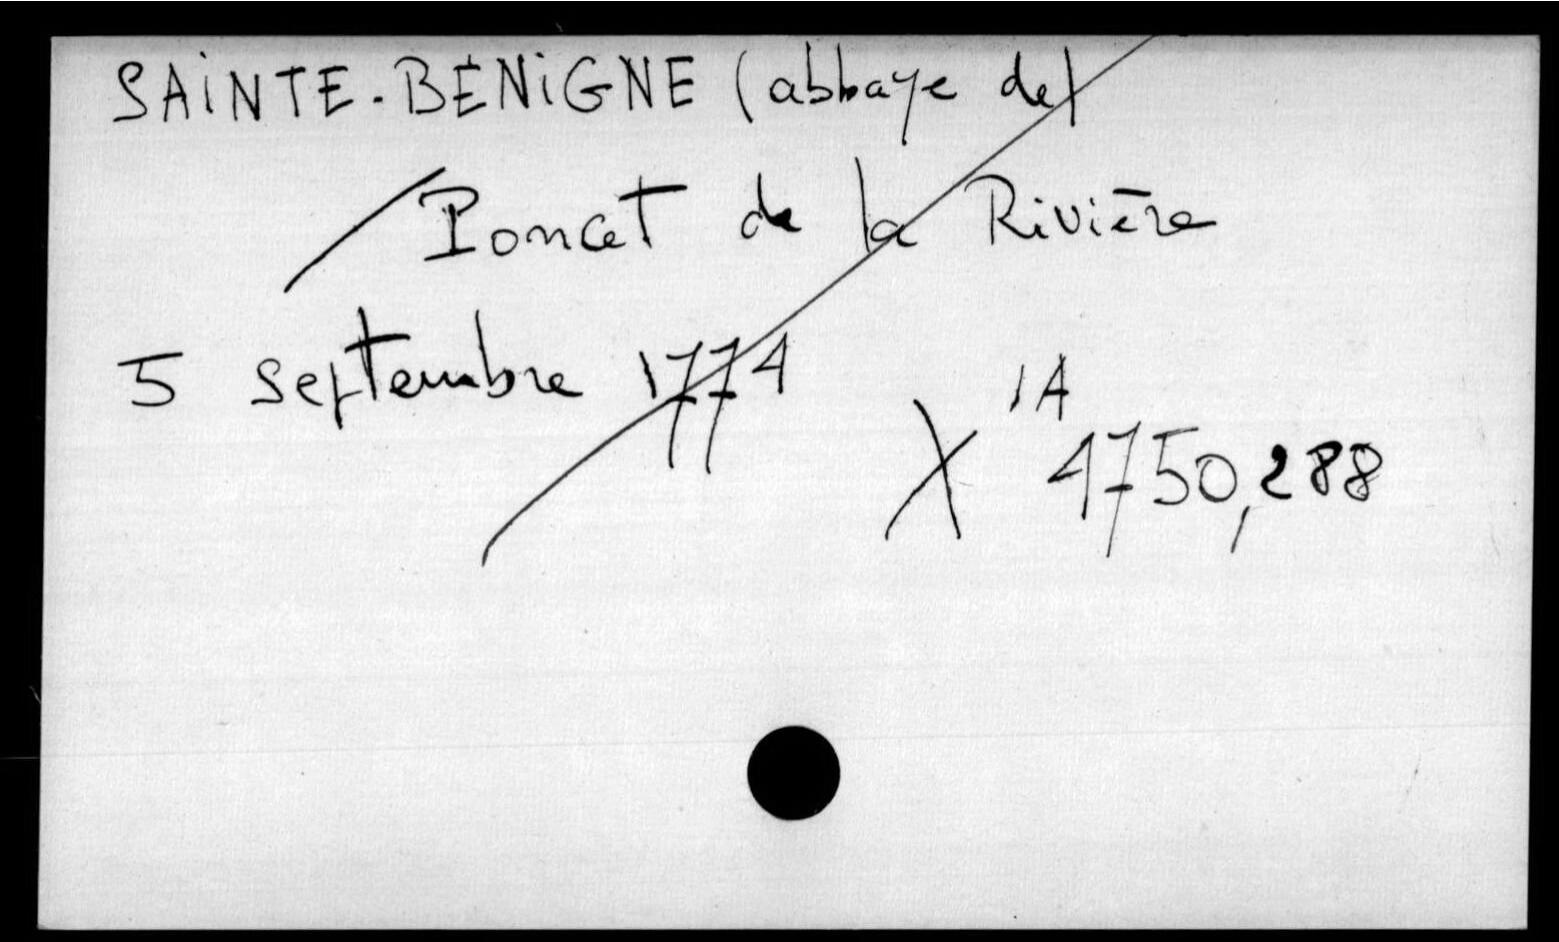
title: SAINTE-BÉNIGNE (abbaye de)
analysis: Contre Poncet de la Rivière
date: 5 septembre 1774
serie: X1A
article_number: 4750
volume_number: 288
